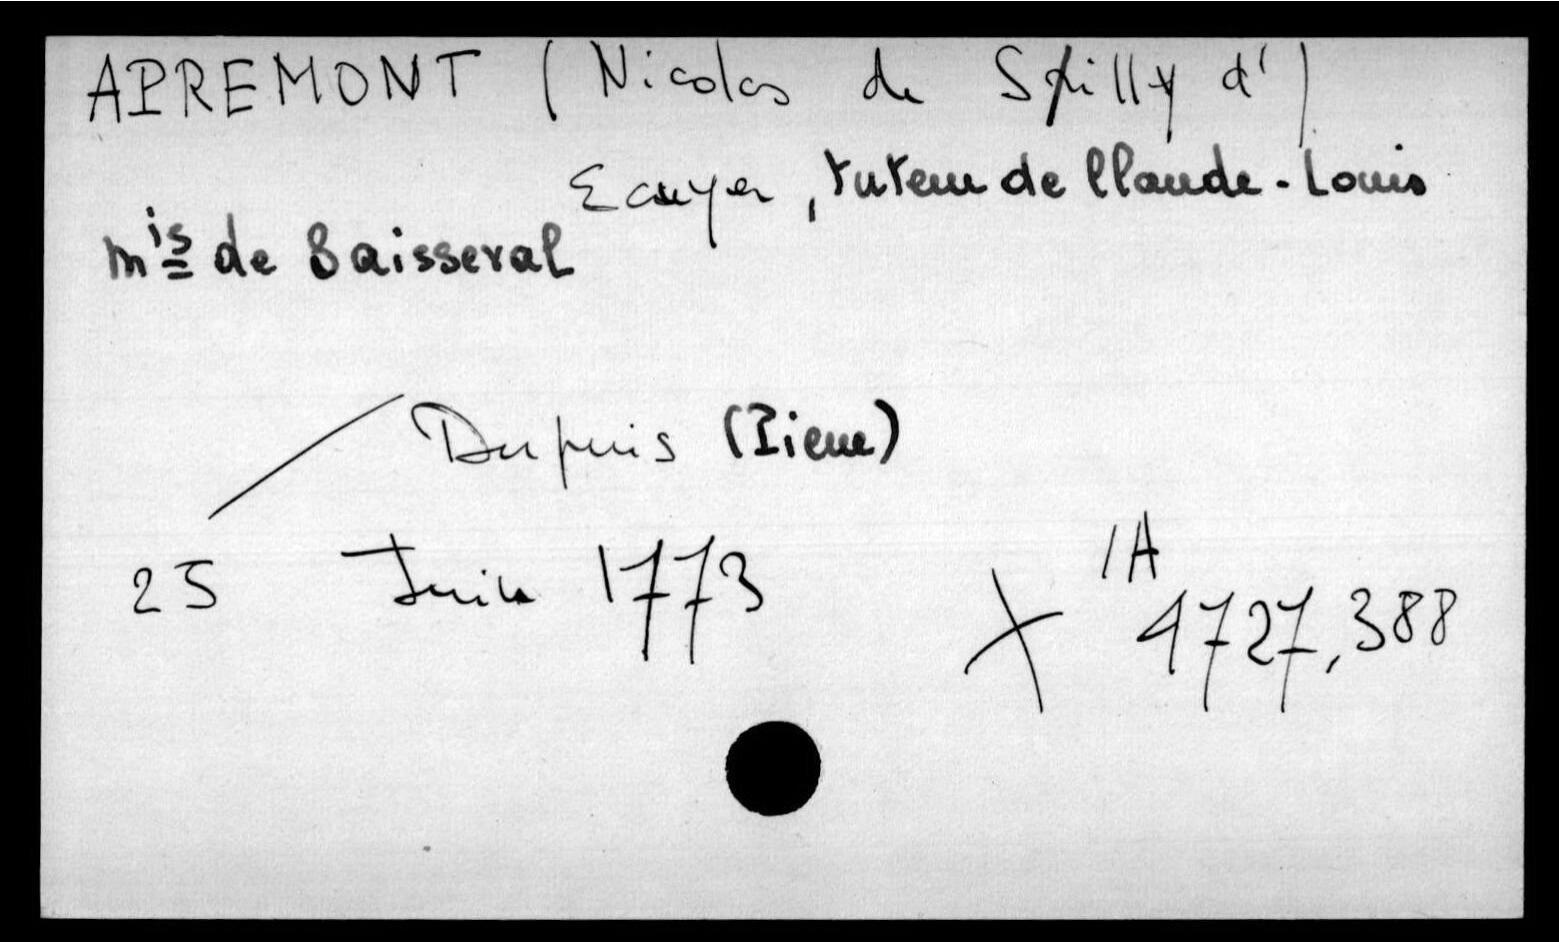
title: APREMONT (Nicolas de Silly d') Écuyer, tuteur de Claude-Louis marquis de Boisseval
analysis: Contre Dupuis (Pierre)
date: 25 juin 1773
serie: X1A
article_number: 4727
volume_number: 388
